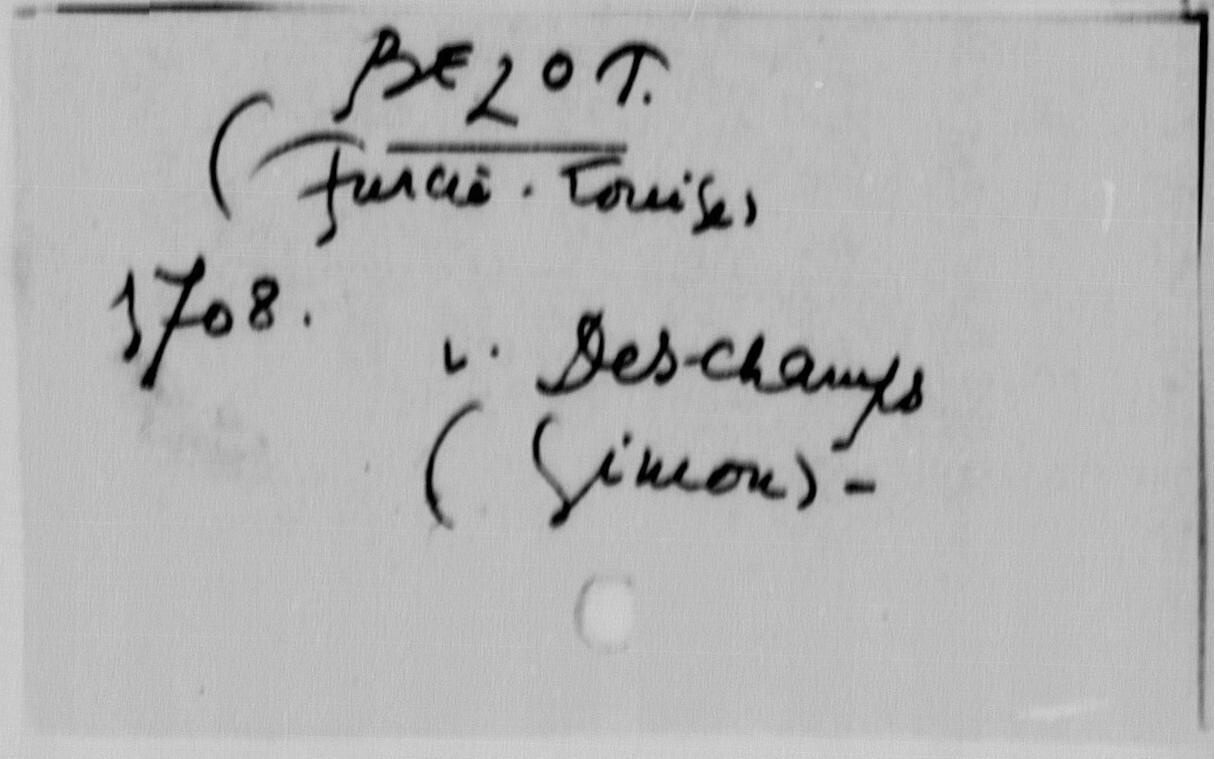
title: BEZOT (Furcie-Louise)
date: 1708
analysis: Voir Deschamps (Simon)
